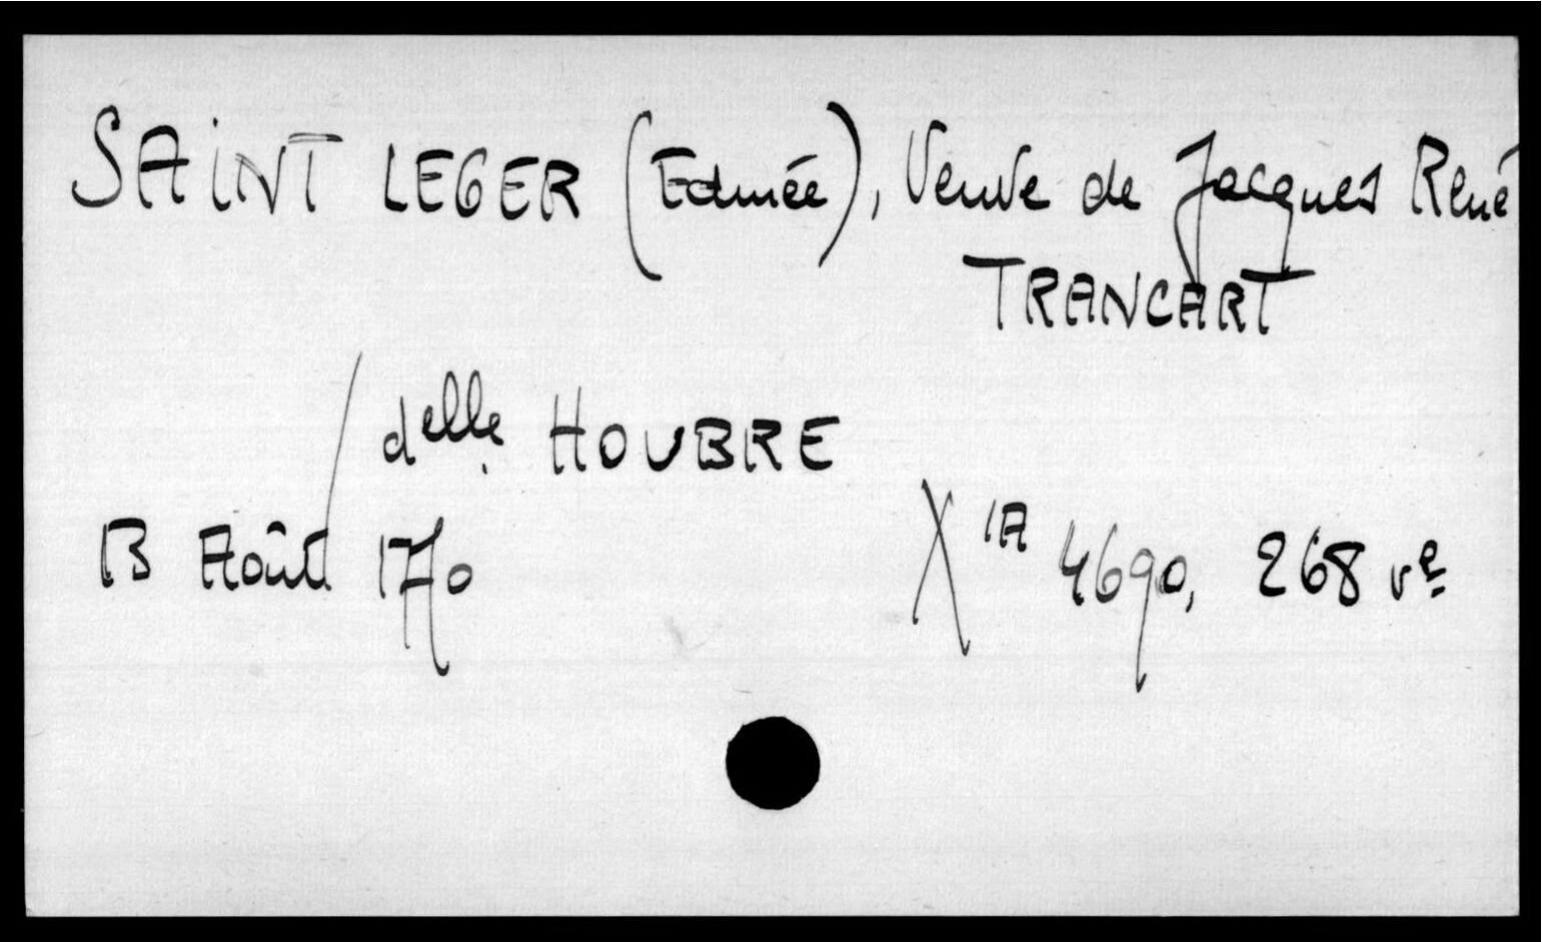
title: SAINT LEGER (Edmée), Veuve de Jacques René TRANCART
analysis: Contre damoiselle HOUBRE
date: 13 août 1770
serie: X1A
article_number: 4690
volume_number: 268v
